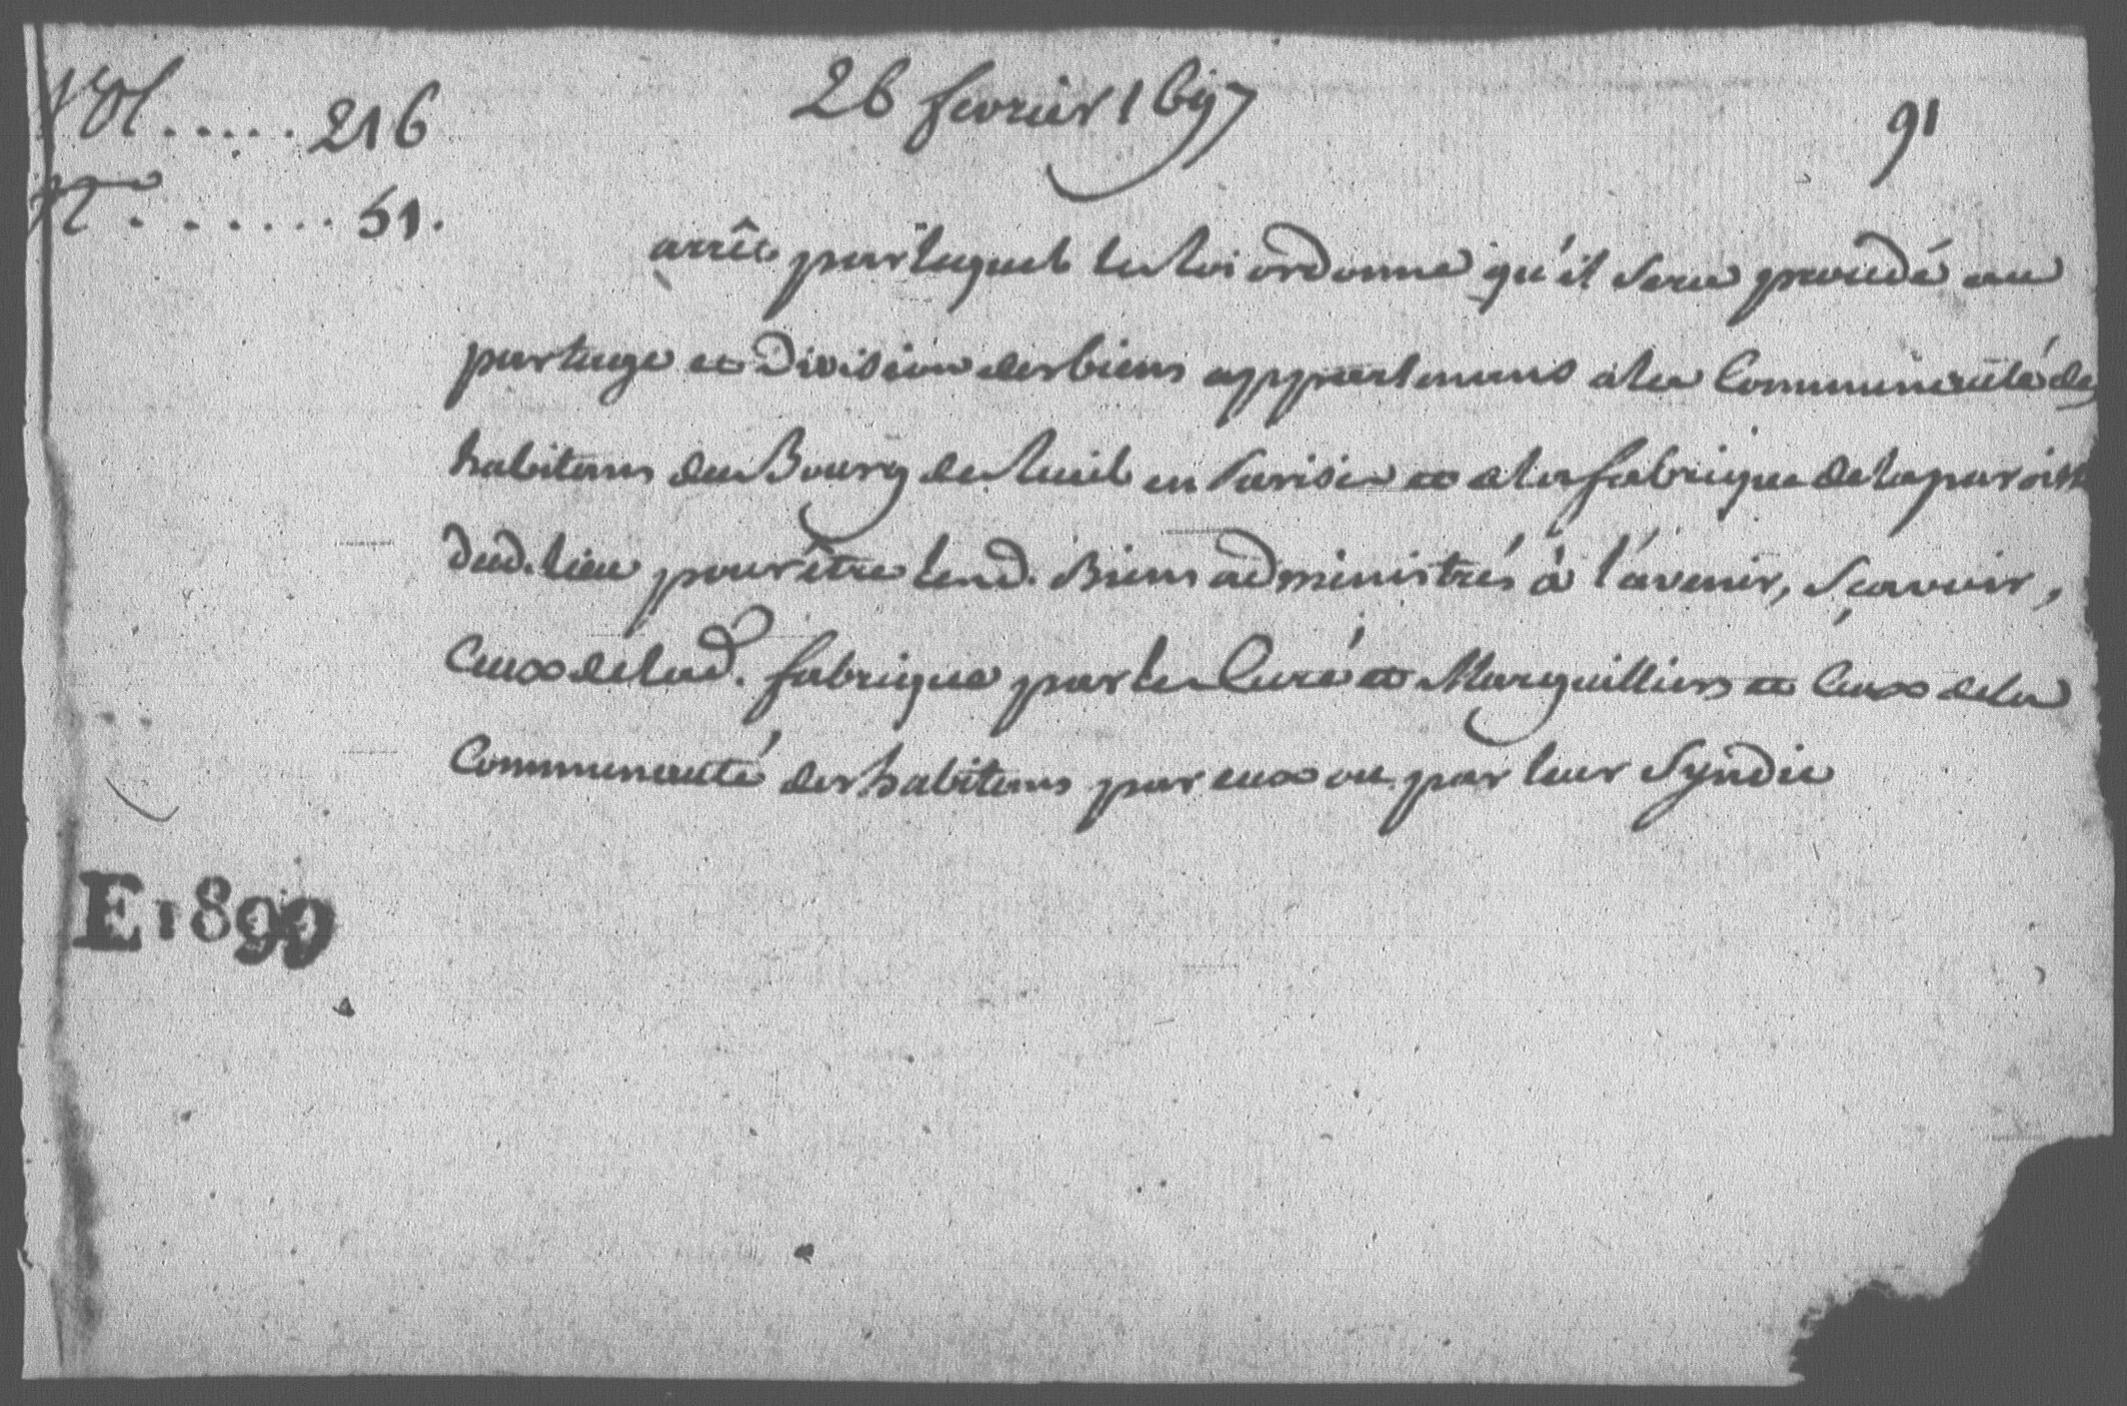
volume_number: n°51
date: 26 février 1697
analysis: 91
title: arrêt par lequel le Roi ordonne qu'il sera procedé au partage et division des biens apparlenans a la Communauté de habitans du Bourg de Rueil en Parisis et a la fabrique de la paroisse dud. lieu pour être lesd. Biens administrés à l'avenir, sçavoir, ceux de lad. fabrique par les curé et Marguilliers et ceux de la Communauté des habitans par eux ou par leur syndic
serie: E
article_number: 1899
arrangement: vol. 216
